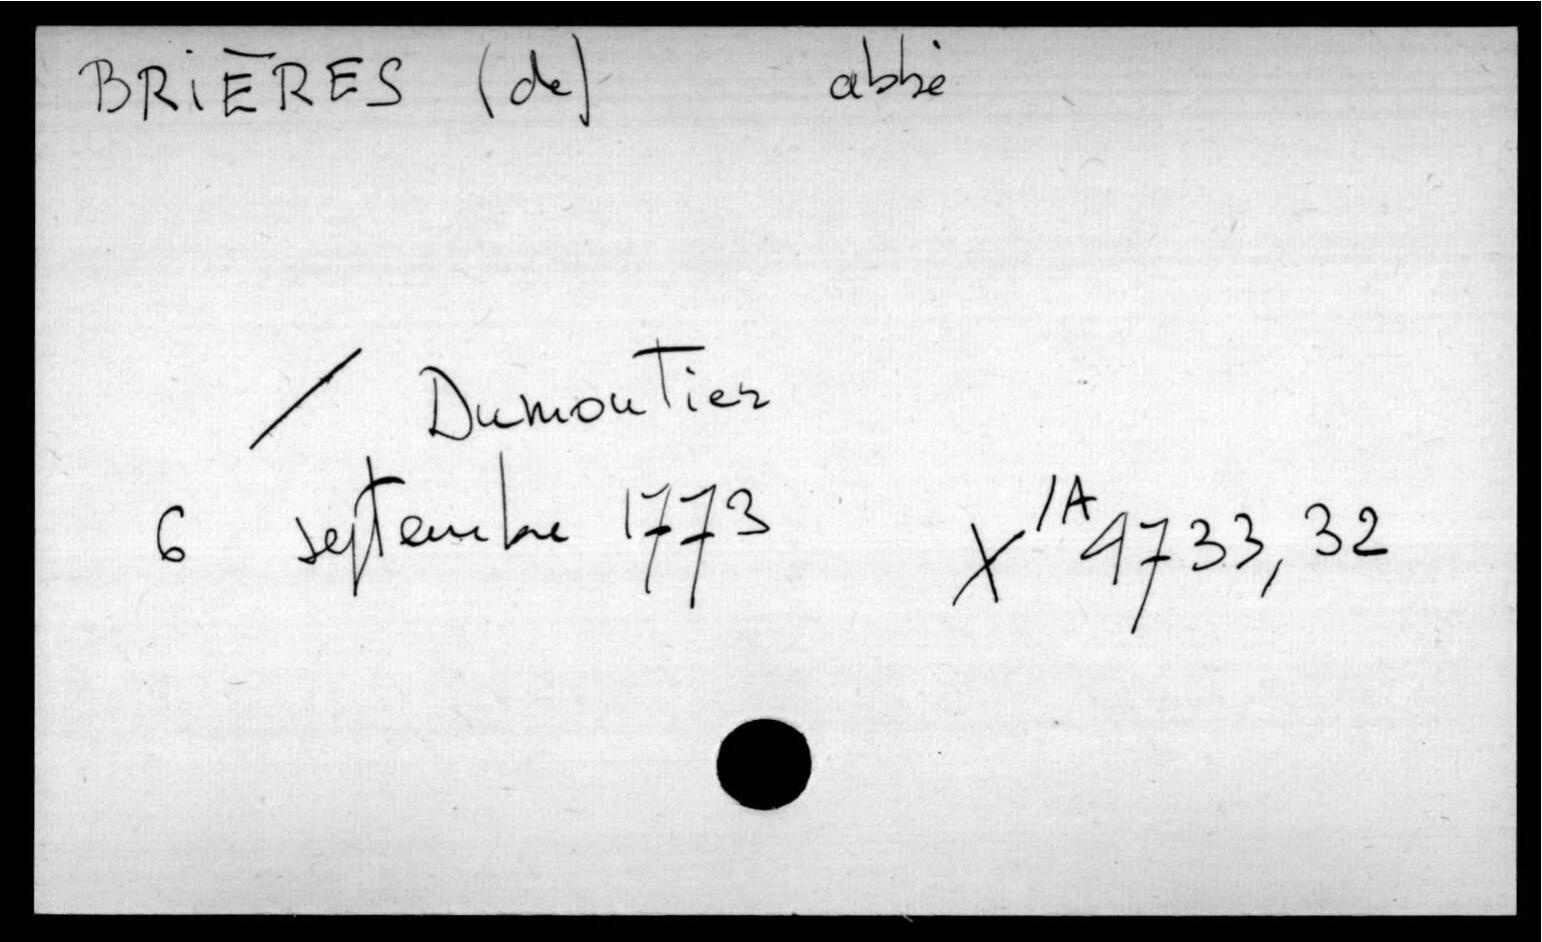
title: BRIERES (de) abbé
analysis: Contre Dumoutier
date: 6 septembre 1773
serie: X1A
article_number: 4733
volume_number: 32
